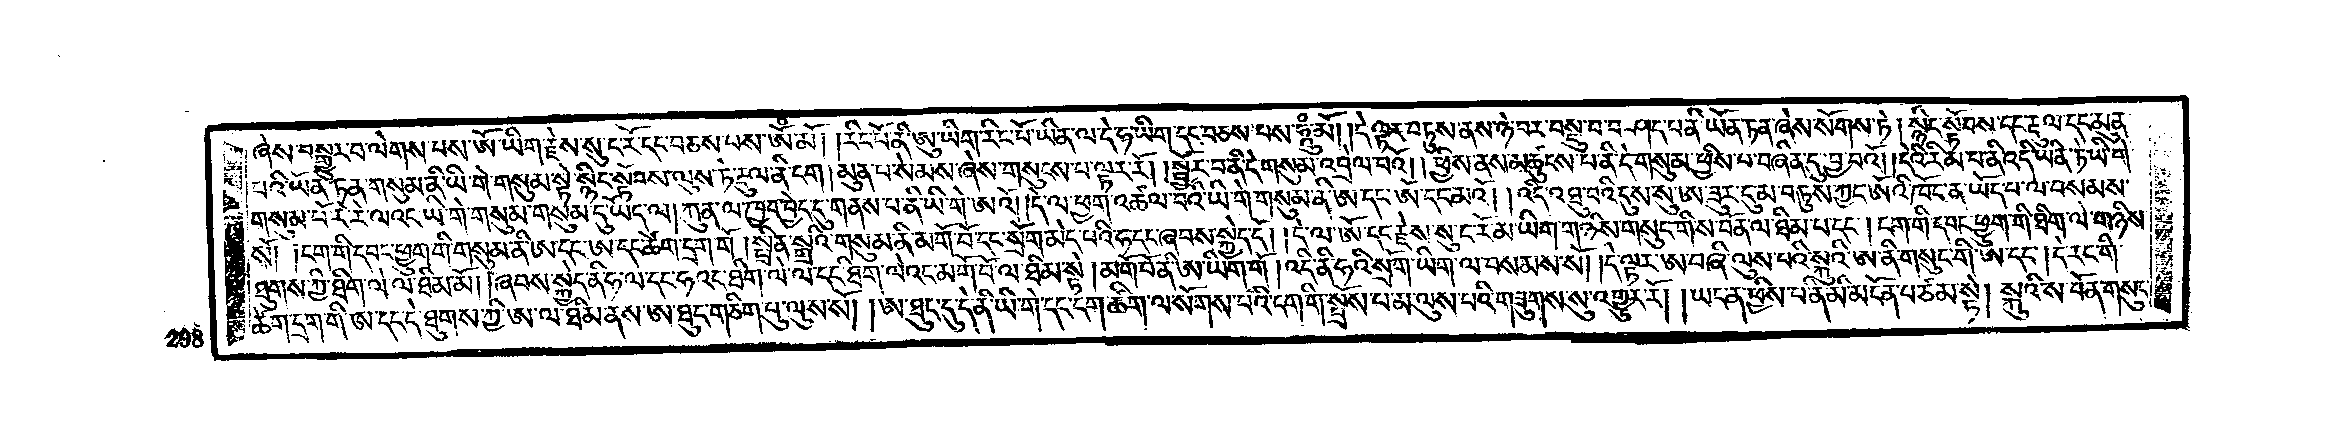ཞེས་བསྒྱུར་བ་ལེགས་པས་ཨོ་ཡིག་རྗེས་སུ་ང་རོ་དང་བཅས་པས་ཨོཾ་མོ། །རིང་པོ་ནི་ཨུ་ཡིག་རིང་པོ་ཡིན་ལ་དེ་ཧ་ཡིག་དང་བཅས་པས་ཧཱུཾ་མོ། །དེ་ལྟར་བཏུས་ནས་ཉེ་བར་བསྡུ་བ་བཤད་པ་ནི་ཡོན་ཏན་ཞེས་སོགས་ཏེ། སྙིང་སྟོབས་དང་རྡུལ་དང་མུན་
པའི་ཡོན་ཏན་གསུམ་ནི་ཡི་གེ་གསུམ་སྟེ་སྙིང་སྟོབས་ལུས་ཏེ་རྡུལ་ནི་ངག །མུན་པ་སེམས་ཞེས་གསུངས་པ་ལྟར་རོ། །སྦྱོར་བ་ནི་དེ་གསུམ་འབྲེལ་བའོ། །ཕྱིས་ནས་མཚུངས་པ་ནི་དེ་གསུམ་ཕྱིས་པ་བཞིན་དུ་བྱ་བའོ། །དེའི་རིམ་པ་ནི་འདི་ཡིན་ཏེ་ཡི་གེ་
གསུམ་པོ་རེ་རེ་ལའང་ཡི་གེ་གསུམ་གསུམ་དུ་ཡོད་ལ། ཀུན་ལ་ཁྱབ་བྱེད་དུ་གནས་པ་ནི་ཡི་གེ་O། །དེ་ལ་ཕྱག་འཚལ་བའི་ཡི་གེ་གསུམ་ནི་ཨ་དང་ཨོ་དང་མའོ། །འདི་འཐུ་བའི་དུས་སུ་ཨ་ཟུར་དུ་མ་བཏུས་ཀྱང་ཨོའི་ཁོང་ན་ཡོད་པ་ལ་བསམས་
སོ། །ངག་གི་དབང་ཕྱུག་གི་གསུམ་ནི་ཨ་དང་ཨ་དང་ཚེག་དྲག་གོ །སྤྲིན་སྒྲའི་གསུམ་ནི་མགོ་བོ་དང་སྲོག་མེད་པའི་ཧ་དང་ཞབས་སྐྱེད་དོ། །དེ་ལ་ཨོ་དང་རྗེས་སུ་ང་རོ་མ་ཡིག་གཉིས་གསུང་གི་ས་བོན་ལ་ཐིམ་པ་དང་། ངག་གི་དབང་ཕྱུག་གི་ཐིག་ལེ་གཉིས་
ཐུགས་ཀྱི་ཐིག་ལེ་ལ་ཐིམ་མོ། །ཞབས་སྐྱེད་ནི་ཧ་ལ་དང་ཧའང་ཐིག་ལེ་ལ་དང་ཐིག་ལེའང་མགོ་བོ་ལ་ཐིམ་སྟེ། མགོ་བོ་ནི་ཨ་ཡིག་གོ །འདི་ནི་ཧའི་སྲོག་ཡིག་ལ་བསམས་སོ། །དེ་ལྟར་ཨ་བཞི་ལུས་པའི་སྐུའི་ཨ་ནི་གསུང་གི་ཨ་དང་། དེ་རང་གི་
ཚིག་དྲག་གི་ཨ་དང་དེ་ཐུགས་ཀྱི་ཨ་ལ་ཐིམ་ནས་ཨ་ཐུང་གཅིག་པུ་ལུས་སོ། །ཨ་ཐུང་དུ་དེ་ནི་ཡི་གེ་དང་ངག་ཚིག་ལ་སོགས་པའི་ངག་གི་སྤྲོས་པ་མ་ལུས་པའི་གཟུགས་སུ་འགྱུར་རོ། །ཡང་ན་ཕྱིས་པ་ནི་མི་མངོན་པ་ཙམ་སྟེ། སྐུའི་ས་བོན་གསུང་